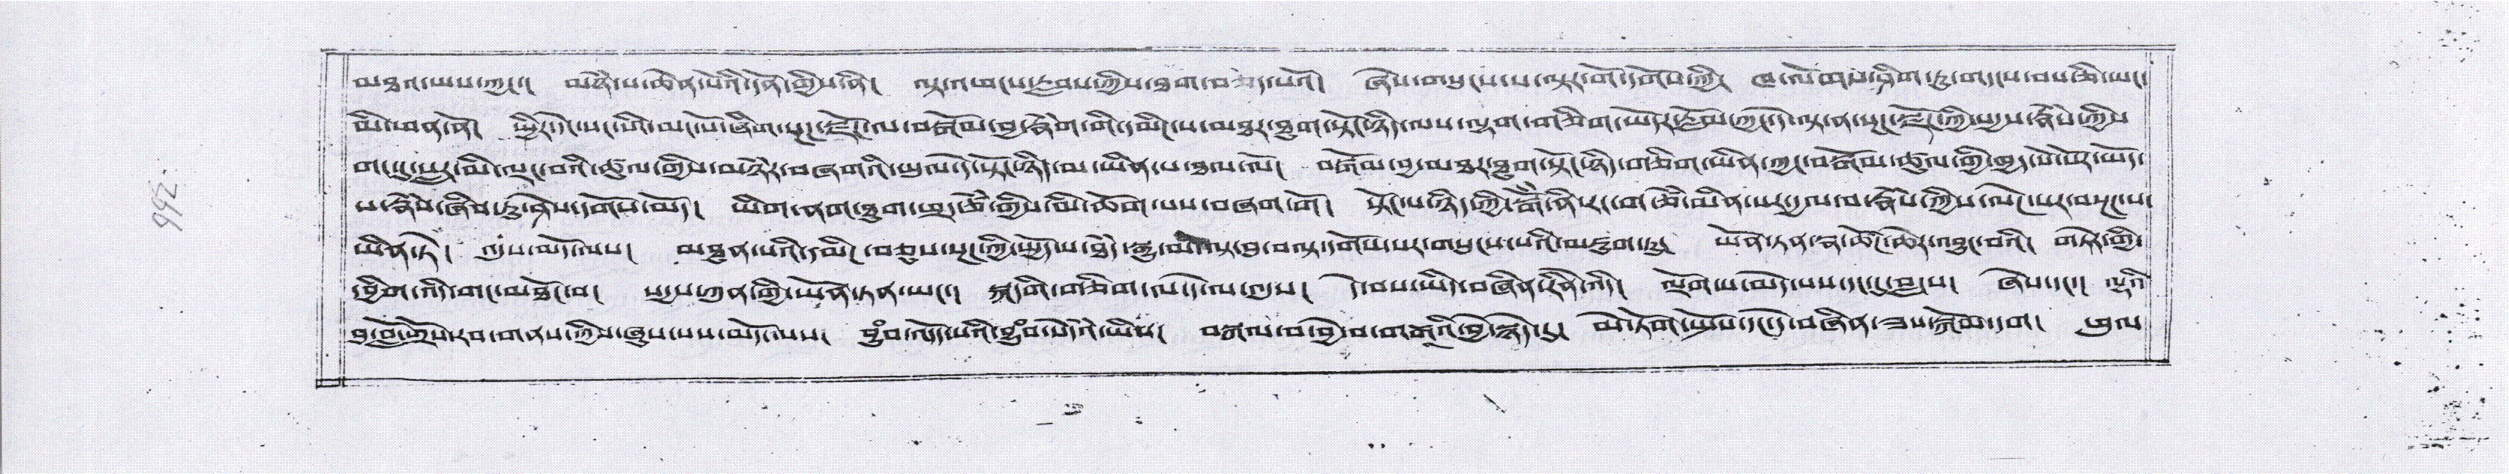མཐའ་ཡས་ཀྱང། མཉམ་པ་ཆེན་པོའི་དོན་གྱིས་ནི། ལྟ་འཕངས་རླབས་ཀྱིས་ཐག་བཅད་པའོ། ཞེས་གསུངས་པ་ལྟར་གོ་དགོས་ཀྱི། ཁ་ལོགས་ཤིག་ཏུ་གདངས་བས་ཅི་ཡང་
མི་ཕན་ནོ། སྤྱིར་དེང་སང་གི་མང་པོ་ཞིག་སྔགས་རྫོགས་ལ་བསྒོམ་བྱ་རྣམ་དག་གི་དམིགས་པ་མཐར་ཐུག་སྟོང་ཉིད་ལས་ལྷག་གཅིག་ཡོད་པར་རློམ་ཀྱང་དེ་ལྟ་ན་སྔགས་རྫོགས་ཀྱི་སངས་རྒྱས་རྣམས་ཀྱིས་
གང་དུ་སླར་མི་ལྡང་བའི་ཚུལ་གྱིས་མཉམ་པར་བཞག་པའི་ཡུལ་དེ་སྟོང་ཉིད་མ་ཡིན་པ་ཐལ་ལོ། བསྒོམ་བྱ་མཐར་ཐུག་སྟོང་ཉིད་གཅིག་ཡིན་ཀྱང་བསྒོམ་ཚུལ་གྱི་ཁྱད་སོ་སོར་ཡོད་
པ་རྣམས་ཞིབ་ཏུ་ཤེས་དགོས་མོད། ཡིག་ནག་ཐུག་ཕྲད་ཙམ་གྱིས་མི་ཆོག་པས་བཞག་གོ། སྟོང་པ་ཉིད་ཀྱི་སྒོམ་ནི་རང་ག་ཙམ་མིན་པར་རྒྱལ་བ་རྣམས་ཀྱིས་ལེགས་པར་བསྔགས་པ་
ཡིན་ཏེ། འདུས་མདོ་ལས། མཐུན་པའི་དམིགས་བཅུས་སྔགས་ཀྱི་སྤྱོད་པ་ཐམས་ཅད་སྒྱུ་མ་ལྟ་བུ་བལྟ་དགོས་པར་གསུངས་པའི་མཇུག་ཏུ། ཡོན་ཏན་སྣ་ཚོགས་ཆེར་འབྱུང་བའི། གཏེར་གྱི་
དབྱིག་འདི་གང་མཐོང་བ། སངས་རྒྱས་ཀུན་གྱི་ཡོན་ཏན་ཡང། སྐད་ཅིག་གཅིག་ལ་དེ་ལ་འདུས། དེ་བས་ཡིད་བཞིན་རིན་ཆེན་འདི། ལྡོག་པ་མེད་པས་དང་དུ་བླངས། ཞེས་དང། ལྷའི་
བུ་བློ་གྲོས་རབ་གནས་ཀྱིས་ཞུས་པས་མདོ་ལས། བྱང་ཆུབ་འདོད་པའི་བྱང་ཆུབ་སེམས་དཔའ་ཡིས། བསྐལ་བ་བྱེ་བ་གངྒའི་བྱེ་སྙེད་དུ། མེ་ཏོག་སྤོས་དང་དེ་བཞིན་ཟས་སྐོམ་དག ཕུལ་